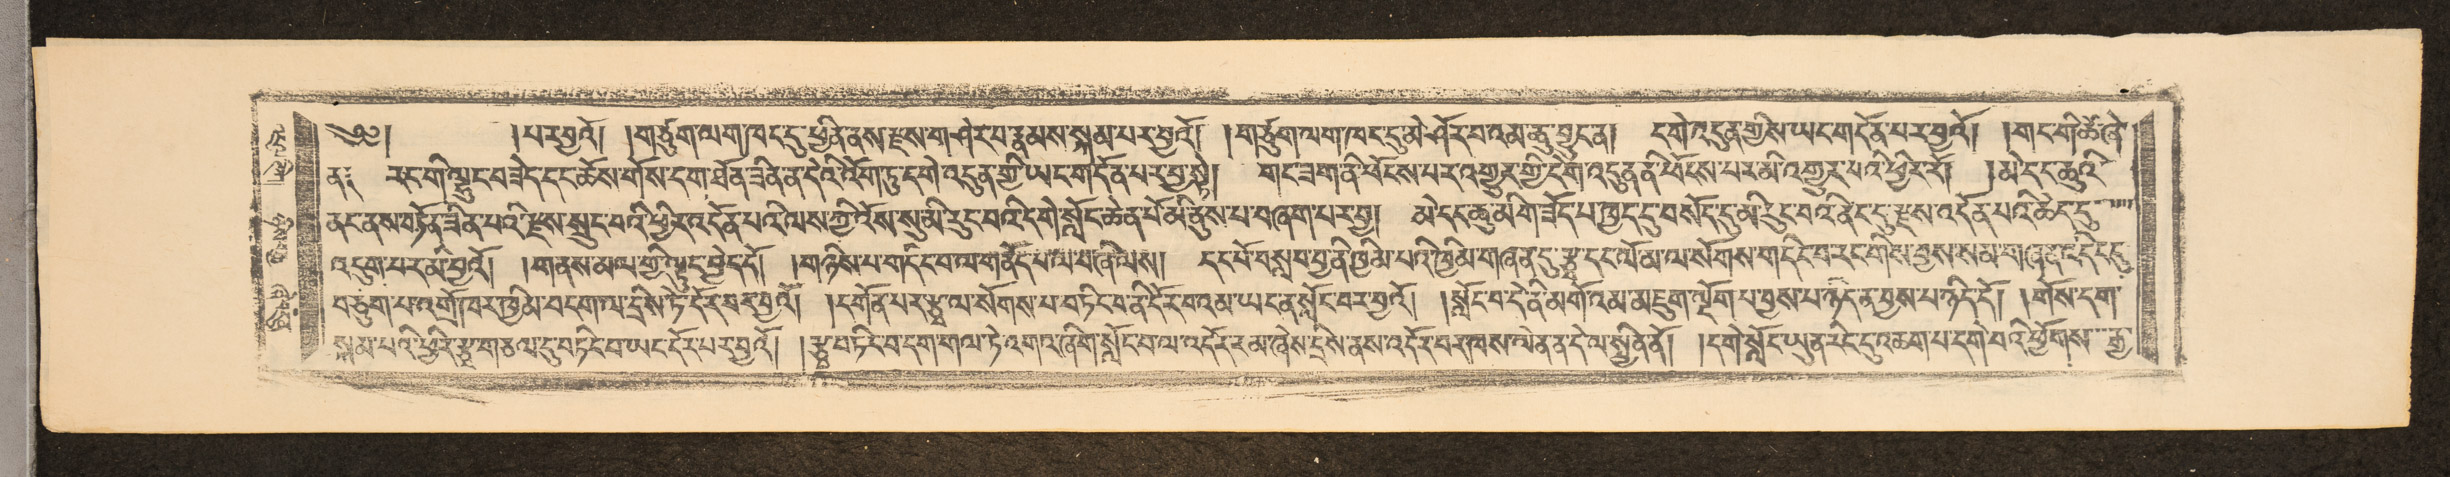༄༅། །པར་བྱའོ། །གཙུག་ལག་ཁང་དུ་ཕྱིན་ནས་རྫས་གཤེར་བ་རྣམས་སྙམ་པར་བྱའོ། །གཙུག་ལག་ཁང་དུ་མེ་ཤོར་བ་འམ་ཆུ་བྱུང་ན། དགེ་འདུན་གྱིས་?་གདོན་པར་བྱའོ། །གང་གི་ཚེ་ཞེ་
ན༑ རང་གི་ལྷུང་བཟེད་དང་ཆོས་གོས་དག་ཐོན་ཟིན་ན་དེའི་འོག་ཏུ་དགེ་འདུན་གྱི་ཡང་གདོན་པར་བྱ་སྟེ། གང་ཟག་ནི་ཕོངས་བར་འགྱུར་གྱི་དགེ་འདུན་ནི་ཕོངས་བར་མི་འགྱུར་བའི་ཕྱིར་རོ། །མེ་དང་ཆུའི་
ནང་ནས་བཏོན་ཟིན་པའི་རྫས་སྲུང་བའི་ཕྱིར་འདོན་པའི་ལས་ཀྱི་འོས་སུ་མི་རུང་བའི་དགེ་སློང་ཆེན་པོ་མི་ནུས་པ་བཞག་པར་བྱ། མེ་དད་ཆུ་མི་གཟོད་པ་ཁྱད་དུ་བསོད་དུ་མི་རུང་བའི་ནང་དུ་རྫས་འདོན་པའི་ཆེད་དུ་
འདུག་པར་མི་བྱའོ། །གནས་མལ་གྱི་ལྟུང་བྱེད་དོ། །གཉིས་པ་གདིང་བ་ལ་གནོད་པ་ལ་བཞི་ལས། དང་པོ་བསླབ་བྱ་ནི་ཁྱིམ་པའི་ཁྱིམ་གཞན་དུ་རྩྭ་དང་ལོ་མ་ལ་སོགས་གདིང་བ་རང་གིས་བྱས་སམ་གཞན་འདིང་དུ་
བཅུག་པ་འགྲོ་ཁར་ཁྱིམ་བདག་ལ་དྲིས་ཏེ་དོར་བར་བྱའོ། །དགོན་པར་རྩྭ་ལ་སོགས་པ་བཏིང་བ་ནི་དོར་བའམ་ཡང་ན་སློང་བར་བྱའོ། །སློང་བ་དེ་ནི་མགོ་འམ་མཇུག་ལྡོག་བ་བྱས་པ་ཉིད་ན་བྱས་པ་ཉིད་དོ། །གོས་དག་
སྐམ་པའི་ཕྱིར་རྩྭ་གཅལ་དུ་བཏིང་བ་ཡང་དོར་བར་བྱའོ། །རྩྭ་བཏིང་བ་དག་གལ་ཏེ་འགའ་ཞིག་སློང་བ་ལ་འདོར་རམ་ཞེས་དྲིས་ནས་འདོར་བར་ཁས་ལེན་ན་དེ་ལ་སྦྱིན་ནོ། །དགེ་སློང་ཡུན་རིང་དུ་འཆག་པ་དགེ་བའི་ཕྱོགས་རྒྱ་